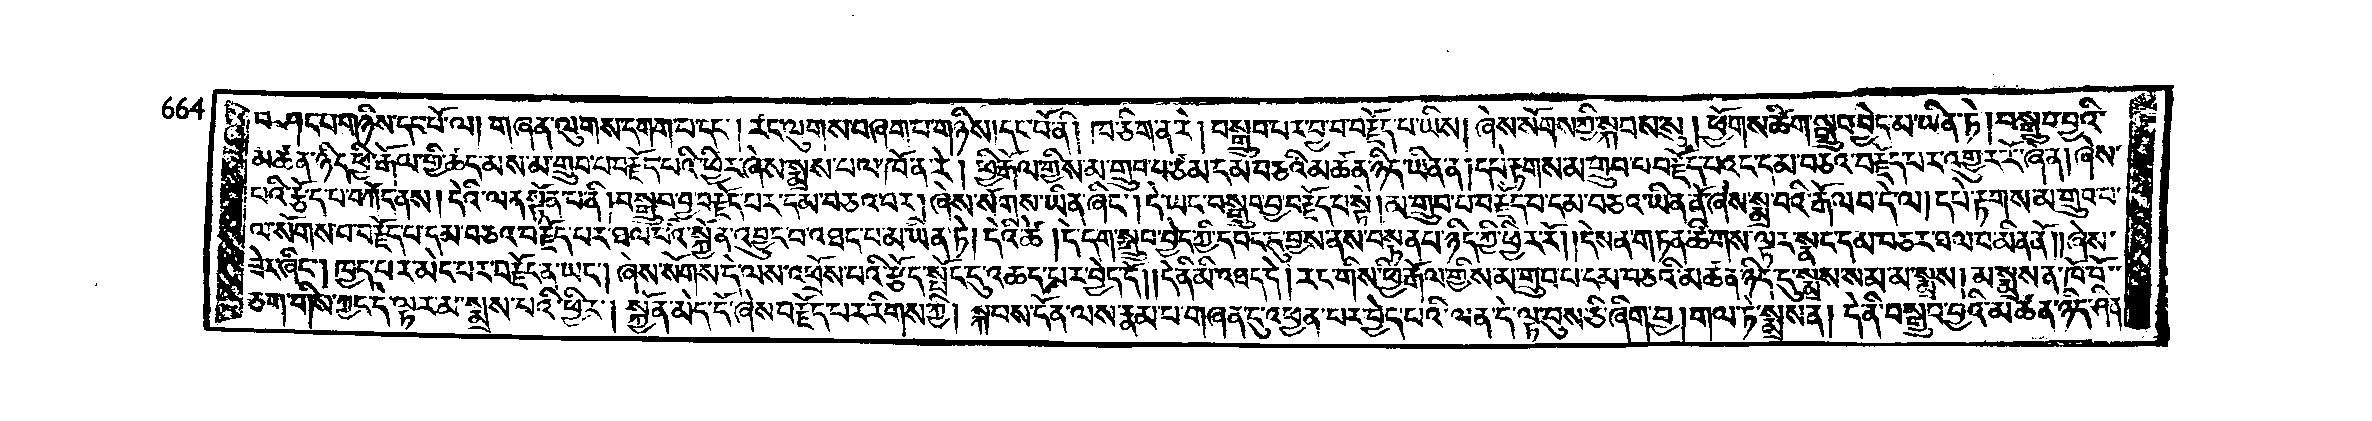བཤད་པ་གཉིས་དང་པོ་ལ། གཞན་ལུགས་དགག་པ་དང་། རང་ལུགས་བཞག་པ་གཉིས། དང་པོ་ནི། ཁ་ཅིག་ན་རེ། བསྒྲུབ་པར་བྱ་བ་བརྗོད་པ་ཡིས། །ཞེས་སོགས་ཀྱི་སྐབས་སུ། ཕྱོགས་ཚིག་སྒྲུབ་བྱེད་མ་ཡིན་ཏེ། བསྒྲུབ་བྱའི་
མཚན་ཉིད་ཕྱི་རྒོལ་གྱི་ཚད་མས་མ་གྲུབ་པ་བརྗོད་པའི་ཕྱིར་ཞེས་སྨྲས་པ་ལ་ཁོ་ན་རེ། ཕྱི་རྒོལ་གྱིས་མ་གྲུབ་པ་ཙམ་དམ་ཏྦྕའི་མཚན་ཉིད་ཡིན་ན། དཔེ་རྟགས་མ་གྲུབ་པ་བརྗོད་པའང་དམ་བཅའ་བརྗོད་པར་འགྱུར་རོ་ཞེ་ན། ཞེས་
པའི་རྩོད་པ་བཀོད་ནས། དེའི་ལན་སྟོན་པ་ནི། བསྒྲུབ་བྱ་བརྗོད་པར་དམ་བཅའི་བར། ཞེས་སོགས་ཡིན་ཞིང་། དེ་ཡང་བསྒྲུབ་བྱ་བརྗོད་པ་སྟེ། མ་གྲུབ་པ་བརྗོད་པ་དམ་བཅའ་ཡིན་ནོ་ཞེས་སྨྲ་བའི་རྒོལ་བ་དེ་ལ། དཔེ་རྟགས་མ་གྲུབ་པ་
ལ་སོགས་པ་བརྗོད་པ་དམ་བཅའ་བརྗོད་པར་ཐལ་བའི་སྐྱོན་འབྱུང་བ་འཐད་པ་མ་ཡིན་ཏེ། དེའི་ཚེ། དེ་དག་སྒྲུབ་བྱེད་ཀྱི་དབང་དུ་བྱས་ནས་བསྟན་པ་ཉིད་ཀྱི་ཕྱིར་རོ། །དེས་ན་གཏན་ཚིགས་ལྟར་སྣང་དམ་བཅར་ཐལ་བ་མིན་ནོ། །ཞེས་
ཟེར་ཞིང་། ཁྱད་པར་མེད་པར་བརྗོད་ན་ཡང་། ཞེས་སོགས་དེ་ལས་འཕྲོས་པའི་རྩོད་སྤོང་དུ་འཆད་པར་བྱེད་དོ། །དེ་ནི་མི་འཐད་དེ། རང་གིས་ཕྱི་རྒོལ་གྱིས་མ་གྲུབ་པ་དམ་བཅའི་མཚན་ཉིད་དུ་སྨྲས་སམ་མ་སྨྲས། མ་སྨྲས་ན་ཁོ་བོ་
ཅིག་གིས་ཀྱང་དེ་ལྟར་མ་སྨྲས་པའི་ཕྱིར། སྐྱོན་མེད་དོ་ཞེས་བརྗོད་པར་རིགས་ཀྱི། སྐབས་དོན་ལས་རྣམ་པ་གཞན་དུ་འཕྱན་པར་བྱེད་པའི་ལན་དེ་ལྟ་བུས་ཅི་ཞིག་བྱ། གལ་ཏེ་སྨྲས་ན། དེ་ནི་བསྒྲུབ་བྱའི་མཚན་ཉིད་ཤིན་